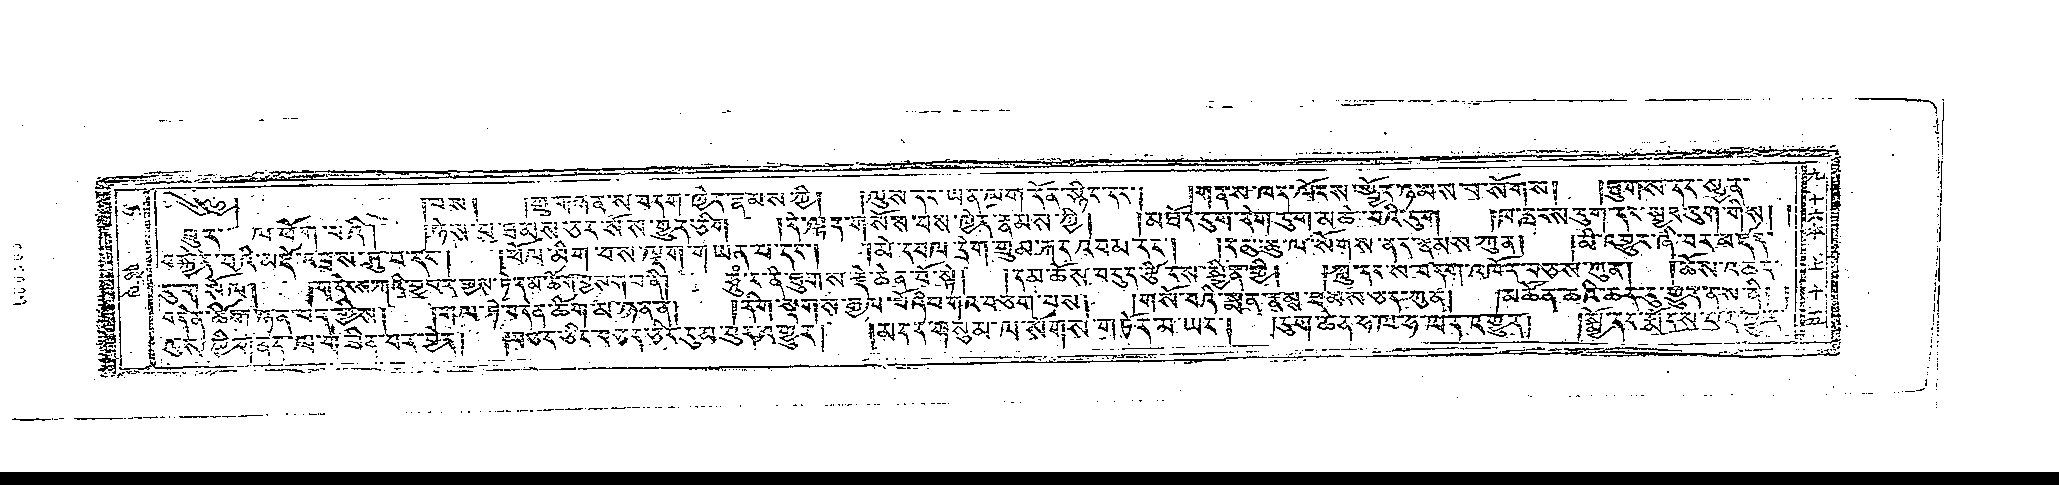༄༅། །པས། །ཀླུ་གཉན་ས་བདག་ཁྱེད་རྣམས་ཀྱི། །ལུས་དང་ཡན་ལག་དོན་སྙིང་དང་། །གནས་ཁང་ལོངས་སྤྱོད་ཉམས་པ་སོགས། །ཐུགས་དང་སྤྱན་
ཟུར་ལ་ཕོག་བའི། །ཉེས་པ་ཐམས་ཅད་སོས་གྱུར་ཅིག །དེ་ལྟར་གསོས་བས་ཁྱེད་རྣམས་ཀྱི། །མཐོང་དུག་རེག་དུག་མཆེ་པའི་དུག་ཁ་རླངས་དུག་དང་སྤྱར་དུག་གིས་
བསྐྱེབ་པའི་མཛེ་འབས་ཤུ་བ་དང་། །ཕོལ་མིག་པས་ལྡག་གཡན་པ་དང་། །མེ་དབལ་དྲེག་གུམ་རྐང་འབམ་དང་། །དམུ་ཆུ་ལ་སོགས་ནད་རྣམས་ཀུན། །མི་འབྱུང་ཞི་བར་མཛད་
དུ་གསོལ། །གདེངས་ཀའི་ཕྱག་རྒྱ་བྱས་ཏེ་དམ་ཚིག་བསྒྲག་པ་ནི། ཧཱུཾ་ང་ནི་ཐུགས་རྗེ་ཆེན་པོ་སྟེ། །དམ་ཆོས་བདུད་རྩིངས་སྦྱིན་གྱི། །ཀླུ་དང་ས་བདག་འཁོར་བཅས་ཀུན། །ཆོས་འཆད་
བདེན་ཚིག་ཉན་པར་གྱིས། །གལ་ཏེ་བདེན་ཚིག་མི་ཉན་ན། །རིག་སྔགས་རྒྱལ་པོའི་བཀའ་བཅག་པས། །གསོ་བའི་སྨན་རྣམ་ཐམས་ཅད་ཀུན། །མཚོན་ཆའི་ཆར་དུ་གྱུར་ནས་ནི་
ལུས་ཀྱི་གནད་ལ་གཟིར་བར་བྱེད། །བཅད་ཅིང་བཅད་ཅིང་དུམ་བུར་འགྱུར། །མདར་གསུམ་ལ་སོགས་གཏོར་མ་ཡང་། །དུག་ཆེན་ཧ་ལ་ཧ་ལར་འགྱུར། །སྨྱོ་དང་རྨོངས་པར་གྱུར་